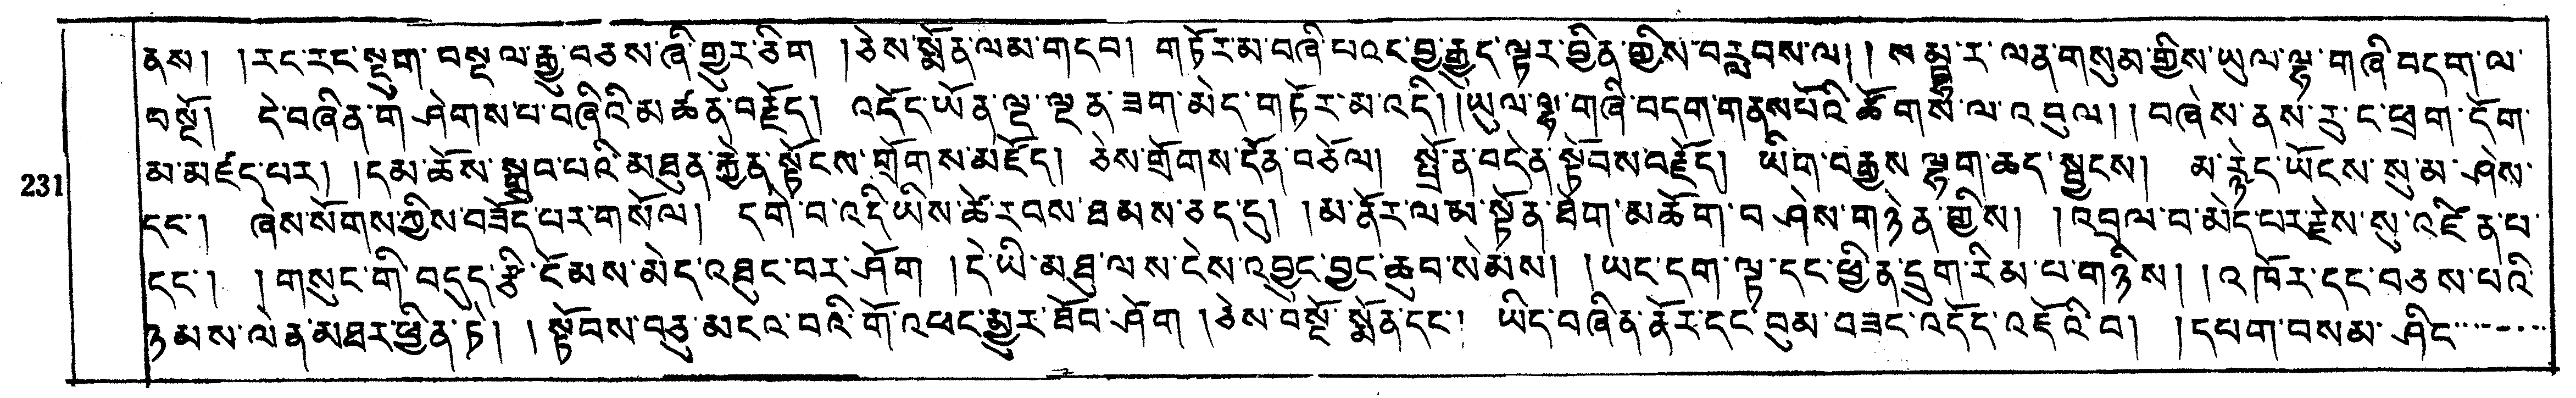ནས། །རང་རང་སྡུག་བསྔལ་རྒྱུ་བཅས་ཞི་གྱུར་ཅིག །ཅེས་སྨོན་ལམ་གདབ། གཏོར་མ་བཞི་པའང་བྱ་རྒྱུད་ལྟར་བྱིན་གྱིས་བརླབས་ལ། །སམྦྷ་ར་ལན་གསུམ་གྱིས་ཡུལ་ལྷ་གཞི་བདག་ལ་
བསྔོ། དེ་བཞིན་གཤེགས་པ་བཞིའི་མཚན་བརྗོད། འདོད་ཡོན་ལྔ་ལྡན་ཟག་མེད་གཏོར་མ་འདི། །ཡུལ་ལྷ་གཞི་བདག་གནས་པོའི་ཚོགས་ལ་འབུལ། །བཞེས་ནས་རུ་ང་ཕྲག་དོག་
མ་མཛད་པར། །དམ་ཆོས་སྒྲུབ་པའི་མཐུན་རྐྱེན་སྟོངས་གྲོགས་མཛོད། ཅེས་གྲོགས་དོན་བཅོལ། སྤྲོ་ན་བདེན་སྟོབས་བརྗོད། ཡིག་བརྒྱས་ལྷག་ཆད་སྦྱངས། མ་རྙེད་ཡོངས་སུ་མ་ཤེས་
དང་། ཞེས་སོགས་ཀྱིས་བཟོད་པར་གསོལ། དགེ་བ་འདི་ཡིས་ཚེ་རབས་ཐམས་ཅད་དུ། །མ་ནོར་ལམ་སྟོན་ཐེག་མཆོག་བཤེས་གཉེན་གྱིས། །འབྲལ་བ་མེད་པར་རྗེས་སུ་འཛིན་པ་
དང་། །གསུང་གི་བདུད་རྩི་ངོམས་མེད་འཐུང་བར་ཤོག །དེ་ཡི་མཐུ་ལས་ངེས་འབྱུང་བྱང་ཆུབ་སེམས། །ཡང་དག་ལྟ་དང་ཕྱིན་དྲུག་རིམ་པ་གཉིས། །འཁོར་དང་བཅས་པའི་
ཉམས་ལེན་མཐར་ཕྱིན་ཏེ། །སྟོབས་བཅུ་མངའ་བའི་གོ་འཕང་མྱུར་ཐོབ་ཤོག །ཅེས་བསྔོ་སྨོན་དང་། ཡིད་བཞིན་ནོར་དང་བུམ་བཟང་འདོད་འཇོའི་བ། །དཔག་བསམ་ཤིང་